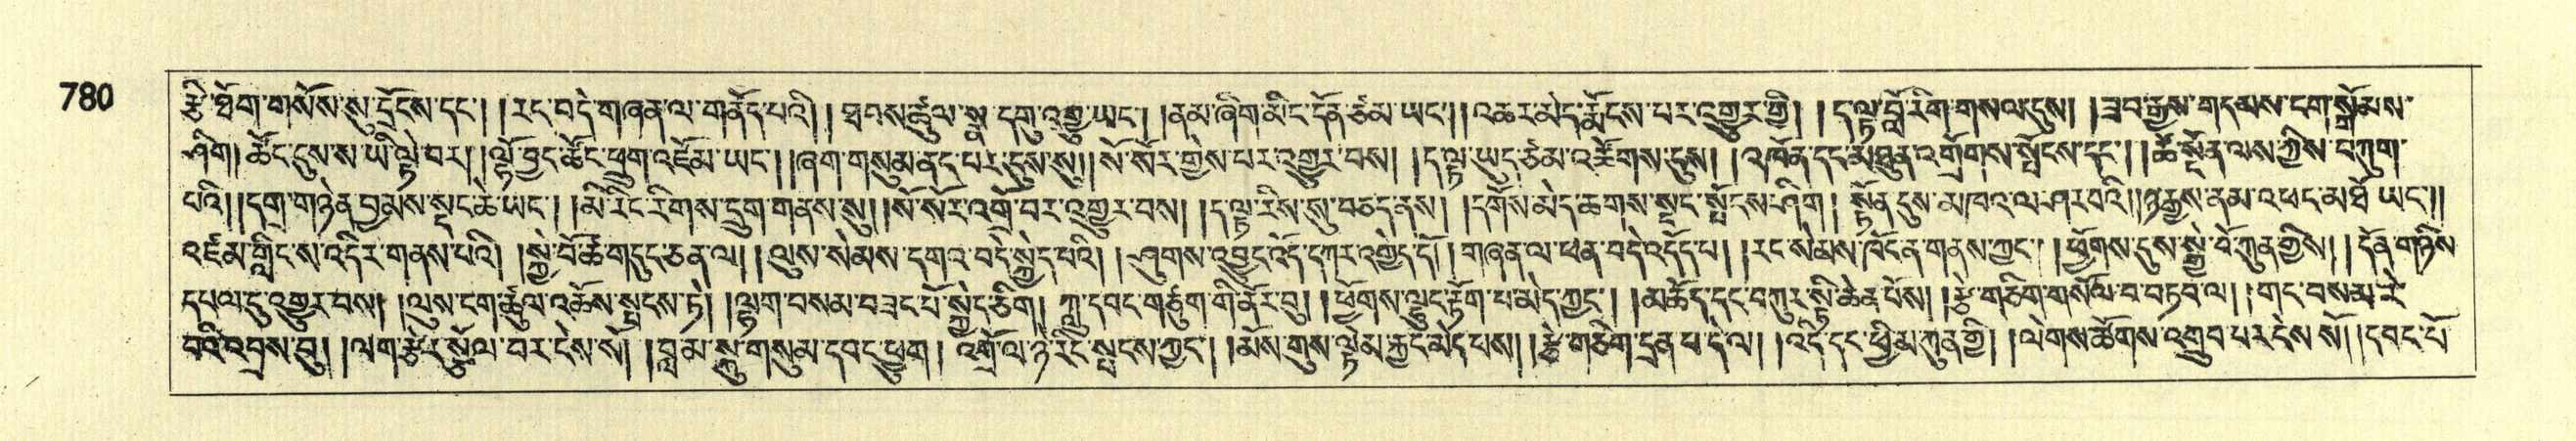རྩི་ཐོག་གསོས་སུ་དྲོངས་དང་། །རང་བདེ་གཞན་ལ་གནོད་པའི། །ཐབས་ཚུལ་སྣ་དགུ་འགྱུ་ཡང་། །ནམ་ཞིག་མིང་དོན་ཙམ་ཡང་། །འཆར་མེད་རྨོངས་པར་འགྱུར་གྱི། །ད་ལྟ་བློ་རིག་གསལ་དུས། །ཟབ་རྒྱས་གདམས་ངག་སྒོམས་
ཤིག། ཚོང་དུས་ས་ཡི་ལྟེ་བར། །ལྷོ་བྱང་ཚོང་ཕྲུག་འཛོམ་ཡང་། །ཞག་གསུམ་ནང་པར་དུས་སུ། །སོ་སོར་གྱེས་པར་འགྱུར་བས། །ད་ལྟ་ཡུད་ཙམ་འཚོགས་དུས། །འཁོན་དང་མཐུན་འགྲོགས་སྤོངས་དང་། །ཆོ་སྔོན་ལས་ཀྱིས་བཀུག་
པའི། །དགྲ་གཉེན་བྱམས་སྡང་ཆེ་ཡང་། །མི་རིང་རིགས་དྲུག་གནས་སུ། །སོ་སོར་འགྲོ་བར་འགྱུར་བས། །ད་ལྟ་རིས་སུ་བཅད་ནས། །དགོས་མེད་ཆགས་སྔང་སྤོངས་ཤིག། སྟོན་དུས་མཁའ་ལ་ཤར་བའི། །ཉ་རྒྱས་ནམ་འཕང་མཐོ་ཡང་། །
འཛམ་གླིང་ས་འདིར་གནས་པའི། །སྐྱེ་བོ་ཚ་གདུང་ཅན་ལ། །ལུས་སེམས་དགའ་བདེ་སྐྱེད་པའི། །ཤུགས་འབྱུང་འོད་དཀར་འགྱེད་དོ། །གཞན་ལ་ཕན་བདེ་འདོད་པ། །རང་སེམས་ཁོང་ན་གནས་ཀྱང་། །ཕྱོགས་དུས་སྒྱེ་བོ་ཀུན་གྱིས། །དོན་གཉིས་
དཔལ་དུ་འགྱུར་བས། །ལུས་ངག་ཚུལ་འཆོས་སྤངས་ཏེ། །ལྷག་བསམ་བཟང་པོ་སྐྱེད་ཅིག། ཀླུ་དབང་གཙུག་གི་ནོར་བུ། །ཕྱོགས་ལྷུང་རྟོག་པ་མེད་ཀྱང་། །མཆོད་དང་བཀུར་སྟི་ཆེན་པོས། །རྩེ་གཅིག་གསོལ་བ་བཏབ་ལ། །གང་བསམ་རེ་
བའི་འབྲས་བུ། །ལག་རྩེར་སྩོལ་བར་ངེས་སོ། །བླ་མ་སྐུ་གསུམ་དབང་ཕྱུག། འགྲོ་ལ་ཉེ་རིང་སྤངས་ཀྱང་། །མོས་གུས་ལྟེམ་རྐྱང་མེད་པས། །རྩེ་གཅིག་དྲན་པ་དེ་ལ། །འདི་དང་ཕྱི་མ་ཀུན་གྱི། །ལེགས་ཆོས་འགྲུབ་པར་ངེས་སོ། །དབང་པོ་